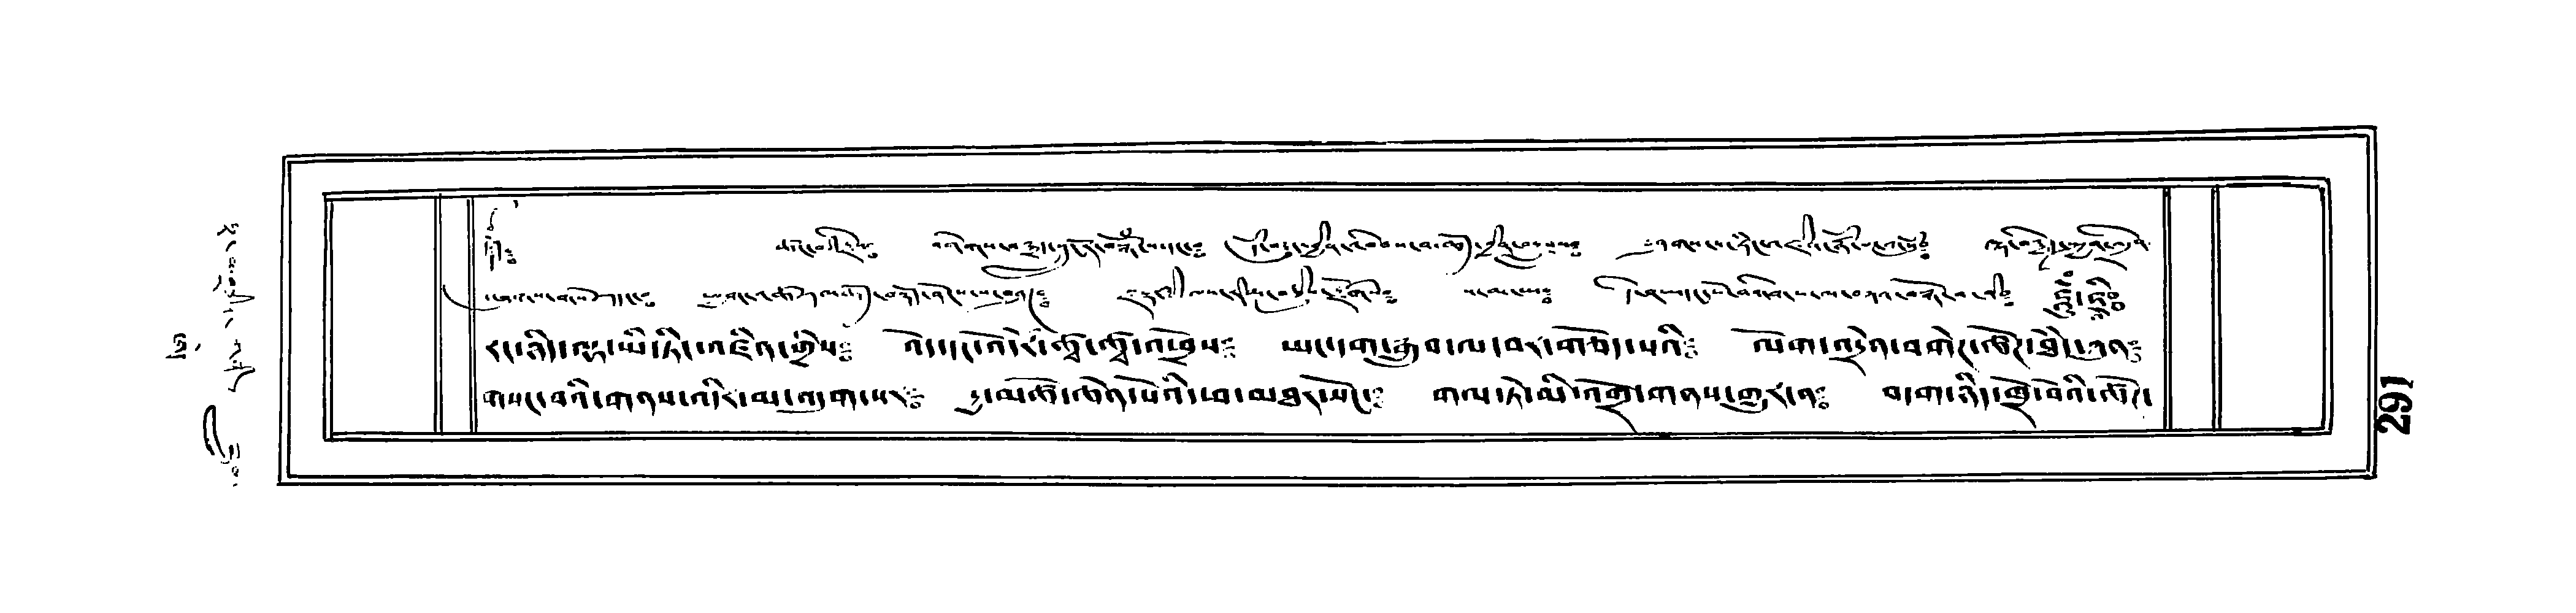ཚང་བའི་རྗེས༔ བགེགས་བསྐྲད་སྲུང་འཁོར་བསྒོམ་པ་དང༔ དམ་གཟུང་བྱིན་འབེབས་མཆོད་བྱིན་བརླབས༔ བཤགས་པ་ཏིང་འཛིན་རྣམ་པ་གསུམ༔ ལྷ་བསྐྱེད་སྤྱན་འདྲེན་
བཞུགས་གསོལ་དང༔ ཕྱག་འཚལ་མཆོད་བསྟོད་ནོངས་པ་བཤགས༔ འཛབ་ཀྱི་ལས་རིམ་བཅུ་གཉིས་རྫོགས༔ ས་མ་ཡ༔ དེ་ནས་དང་པོ་བགེགས་ལ་བཀའ་བསྒོ་བ་ནི༔ ཧཱུྃ་ཧྲཱིཿ 
རང་ཉིད་ལྷ་ཡི་ཏིང་འཛིན་གྱིས༔ འོད་དང་འོད་ཟེར་ཚྭ་ཚྭ་འཕྲོས༔ ཡང་དག་སྒྲུབ་ལ་བར་གཅོད་པའི༔ ལོག་འདྲེན་བགེགས་ཚོགས་ཐམས་ཅད་ཀུན༔ 
གསང་བའི་གནས་འདིར་མ་འདུག་པར༔ རྒྱ་མཚོ་ཆེན་པོའི་ཕ་མཐར་སོང༔ གལ་ཏེ་མི་འགྲོ་གནས་གྱུར་ན༔ བདག་ཉིད་ཁྲོ་བོའི་ཚོགས་